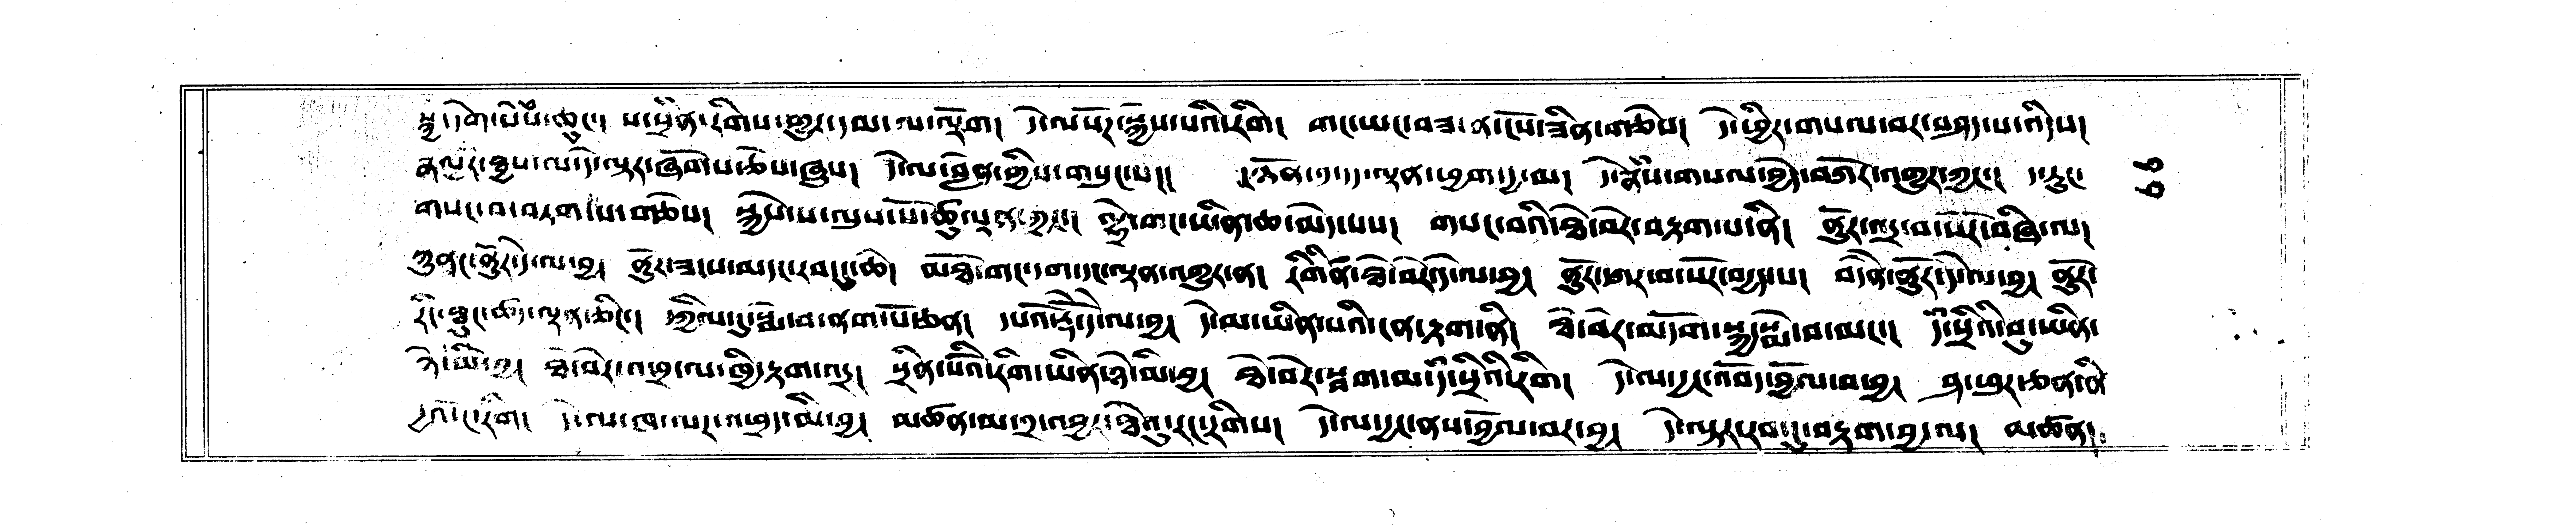སྐྱ་དགེ་སེམས་ཆུང་། ས་སྲིན་རིགས་གྱུར་དམ་ལ་ལྡོག དེ་ལ་སོགས་སྐྱེས་པའི་རིགས། གང་ཡང་བཟང་ན་ངོས་ཟིན་གཅེས། དེ་ཕྱིར་གསལ་བར་བཤད་པ་འདིས། 
རྣལ་འབྱོར་ཐུགས་ལ་དེ་ལྟར་ཞོག་ཅེས་ཞུས། དེ་ལ་བླ་ཆེན་གྱིས་གསུངས་པ། ཉོན་ཅིག་དད་ལྡན་ཕྱག་རྒྱ་མ། དེ་རྣམས་གསལ་བྱེད་བཀོར་འགྱུར་ཀྱང་། ད་རུང་
གསང་བ་བརྟགས་པ་གཅེས། སྐྱེས་སུ་ལུས་པོ་ཚུལ་ལྡན་ཀྱང་། ལྷ་འདྲེ་གང་ཡིན་ཆ་མེད་པས། གསང་བའི་ཐེ་བེར་བརྟགས་པ་ནི། ནོར་བུ་འདྲ་བ་སོར་བཞི་ལ། 
ཀུན་བཟང་ནོར་བུ་དེ་ལ་བྱ། ནོར་བུ་ཟངས་མདངས་རབ་ཏུ་ཆེ། མཐོ་གང་དག་དང་ལྡན་གྱུར་ན། རིག་འཛིན་ཐེ་བེར་དེ་ལ་བྱ། ནོར་བུ་དཀར་བ་སོར་བརྒྱད་པ། བདེ་ཆེན་ནོར་བུ་དེ་ལ་བྱ། ནོར་བུ་
རིང་ཐུང་ཚད་ལྡན་ཅིང་། དཀྱིལ་དུ་སྨེ་བ་ནག་པོ་ཅན། དཔའ་བོ་རྡོ་རྗེ་དེ་ལ་བྱ། དེ་མ་ཡིན་པའི་ངན་རྟགས་ནི། ཐེ་བེར་མདོག་སྐྱ་སྨེ་བ་མང་། དམ་སྲིའི་བུ་ཡིན་
ཉེ་མི་བྱ། ཐེ་བེར་འཕྲ་ལ་ཁྱི་རྟགས་འདྲ། སྲིན་པོའི་རིགས་ཡིན་ཉེ་མི་བྱ། ཐེ་བེར་སྦག་མ་དམ་སྲིའི་རིགས། དེ་ལ་རྒྱང་ནས་བྱོལ་བར་བྱ། དེ་ལྟར་རབ་ཏུ་བརྟག་བྱ་ལ། མཚན་